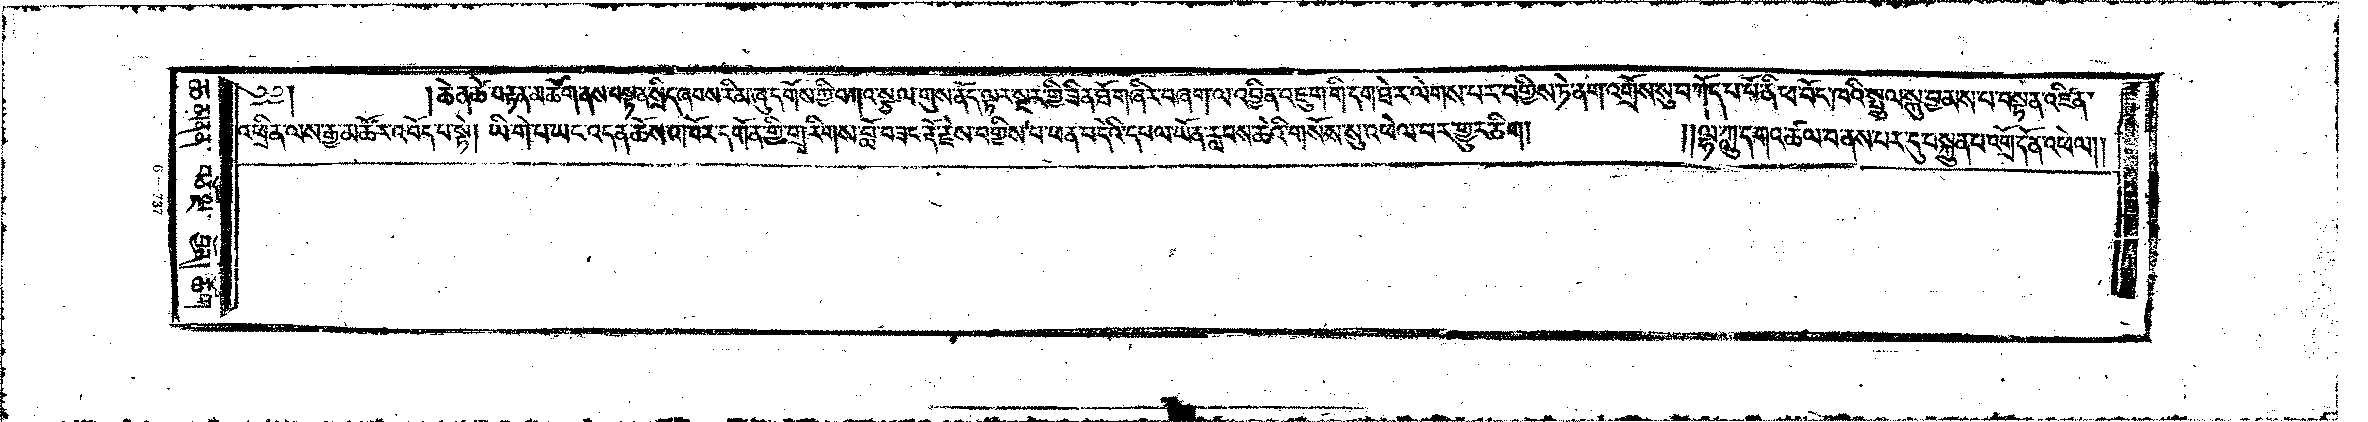༄༅། །ཆེན་ཚེ་བརྟན་མཆོག་ནས་བསྟན་སྲིད་ཞབས་རིམ་ཞུ་དགོས་ཀྱི་བཀའ་སྩལ་གུས་ནོད་ལྟར་སྔར་གྱི་ཟིན་ཐོག་གཞིར་བཞག་ལ་འབྱིན་འཇུག་གི་དག་ཐེར་ལེགས་པར་བགྱིས་ཏེ་ནག་འགྲོས་སུ་བཀོད་པ་པོ་ནི་ཕ་བོང་ཁའི་སྤྲུལ་སྐུ་བྱམས་པ་བསྟན་འཛིན་
འཕྲིན་ལས་རྒྱ་མཚོར་འབོད་པ་སྟེ། ཡི་གེ་པ་ཡང་འདན་ཆོས་འཁོར་དགོན་གྱི་གྲྭ་རིགས་བློ་བཟང་རྡོ་རྗེས་བགྱིས་པ་ཕན་བདེའི་དཔལ་ཡོན་རླབས་ཆེའི་གསོས་སུ་འཕེལ་བར་གྱུར་ཅིག། །།ལྷ་ཀླུ་དགའ་ཚལ་བ་ནས་པར་དུ་བསྐྲུན་པ་འགྲོ་དོན་འཕེལ།།